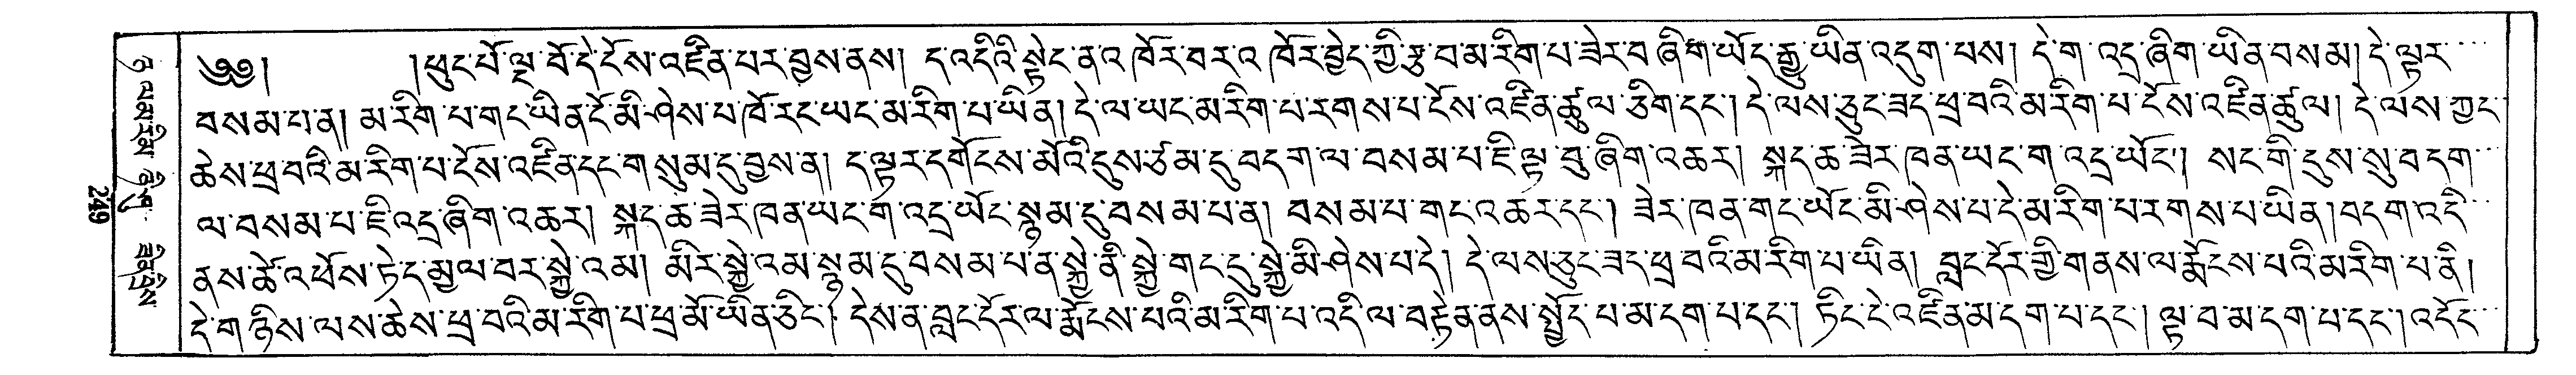༄༅། །ཕུང་པོ་ལྔ་པོ་དེ་ངོས་འཛིན་པར་བྱས་ནས། ད་འདིའི་སྟེང་ན་འཁོར་བར་འཁོར་བྱེད་ཀྱི་རྩ་བ་མ་རིག་པ་ཟེར་བ་ཞིག་ཡོང་རྒྱུ་ཡིན་འདུག་པས། དེ་ག་འདྲ་ཞིག་ཡིན་བསམ། དེ་ལྟར་
བསམ་པ་ན། མ་རིག་པ་གང་ཡིན་ངོ་མི་ཤེས་པ་ཁོ་རང་ཡང་མ་རིག་པ་ཡིན། དེ་ལ་ཡང་མ་རིག་པ་རགས་པ་ངོས་འཛིན་ཚུལ་ཅིག་དང་། དེ་ལས་ཅུང་ཟད་ཕྲ་བའི་མ་རིག་པ་ངོས་འཛིན་ཚུལ། དེ་ལས་ཀྱང་
ཆེས་པྲ་བའི་མ་རིག་པ་ངོས་འཛིན་དང་གསུམ་དུ་བྱས་ན། ད་ལྟར་དགོངས་མོའི་དུས་ཙམ་དུ་བདག་ལ་བསམ་པ་ཇི་ལྟ་བུ་ཞིག་འཆར། སྐད་ཆ་ཟེར་ཁན་ཡང་ག་འདྲ་ཡོང་། སང་གི་དུས་སུ་བདག་
ལ་བསམ་པ་ཇི་འདྲ་ཞིག་འཆར། སྐད་ཆ་ཟེར་ཁན་ཡང་ག་འདྲ་ཡོང་སྙམ་དུ་བསམ་པ་ན། བསམ་པ་གང་འཆར་དང་། ཟེར་ཁན་གང་ཡོང་མི་ཤེས་པ་དེ་མ་རིག་པ་རགས་པ་ཡིན། བདག་འདི་
ནས་ཚེ་འཕོས་ཏེ་དམྱལ་བར་སྐྱེ་འམ། མིར་སྐྱེ་འམ་སྙམ་དུ་བསམ་པ་ན་སྐྱེ་ནི་སྐྱེ་གང་དུ་སྐྱེ་མི་ཤེས་པ་དེ། དེ་ལས་ཅུང་ཟད་ཕྲ་བའི་མ་རིག་པ་ཡིན། བླང་དོར་གྱི་གནས་ལ་རྨོངས་པའི་མ་རིག་པ་ནི།
དེ་གཉིས་ལས་ཆེས་ཕྲ་བའི་མ་རིག་པ་ཕྲ་མོ་ཡིན་ཅིང་། དེས་ན་བླང་དོར་ལ་རྨོངས་པའི་མ་རིག་པ་འདི་ལ་བརྟེན་ནས་སྤྱོད་པ་མ་དག་པ་དང་། ཏིང་ངེ་འཛིན་མ་དག་པ་དང་། ལྟ་བ་མ་དག་པ་དང་། འདོད་